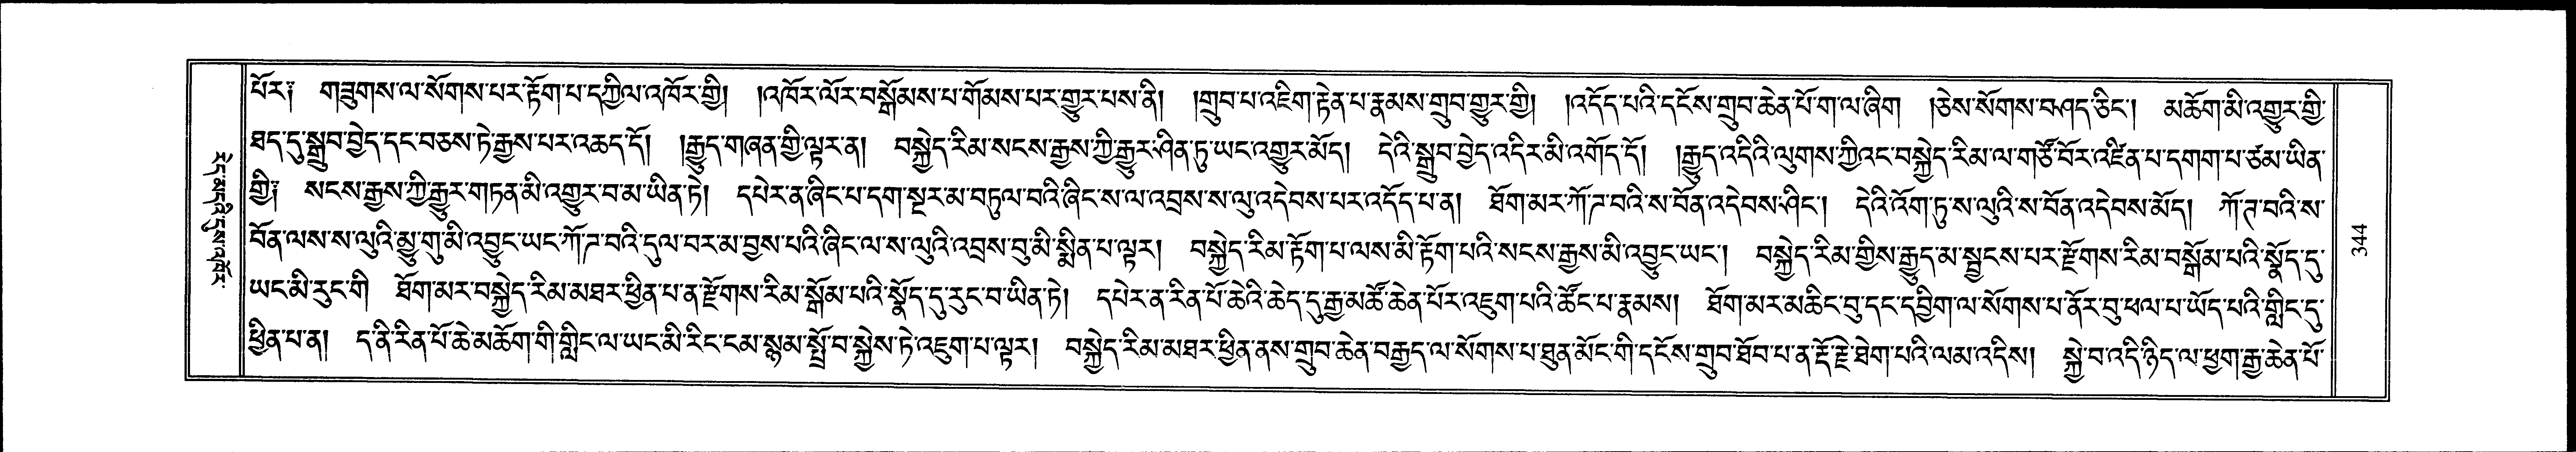པོར། གཟུགས་ལ་སོགས་པར་རྟོག་པ་དཀྱིལ་འཁོར་གྱི། །འཁོར་ལོར་བསྒོམས་པ་གོམས་པར་གྱུར་པས་ནི། །གྲུབ་པ་འཇིག་རྟེན་པ་རྣམས་གྲུབ་གྱུར་གྱི། །འདོད་པའི་དངོས་གྲུབ་ཆེན་པོ་གལ་ཞིག །ཅེས་སོགས་བཤད་ཅིང་། མཆོག་མི་འགྱུར་གྱི་
ཐད་དུ་སྒྲུབ་བྱེད་དང་བཅས་ཏེ་རྒྱས་པར་འཆད་དོ། །རྒྱུད་གཞན་གྱི་ལྟར་ན། བསྐྱེད་རིམ་སངས་རྒྱས་ཀྱི་རྒྱུར་ཤིན་ཏུ་ཡང་འགྱུར་མོད། དེའི་སྒྲུབ་བྱེད་འདིར་མི་འགོད་དོ། །རྒྱུད་འདིའི་ལུགས་ཀྱིའང་བསྐྱེད་རིམ་ལ་གཙོ་བོར་འཛིན་པ་དགག་པ་ཙམ་ཡིན་
གྱི། སངས་རྒྱས་ཀྱི་རྒྱུར་གཏན་མི་འགྱུར་བ་མ་ཡིན་ཏེ། དཔེར་ན་ཞིང་པ་དག་སྔར་མ་བཏུལ་བའི་ཞིང་ས་ལ་འབྲས་ས་ལུ་འདེབས་པར་འདོད་པ་ན། ཐོག་མར་ཀོ་ཌ་བའི་ས་བོན་འདེབས་ཤིང་། དེའི་འོག་ཏུ་ས་ལུའི་ས་བོན་འདེབས་མོད། ཀོ་ཊ་བའི་ས་
བོན་ལས་ས་ལུའི་མྱུ་གུ་མི་འབྱུང་ཡང་ཀོ་ཌ་བའི་དུལ་བར་མ་བྱས་པའི་ཞིང་ལ་ས་ལུའི་འབྲས་བུ་མི་སྨིན་པ་ལྟར། བསྐྱེད་རིམ་རྟོག་པ་ལས་མི་རྟོག་པའི་སངས་རྒྱས་མི་འབྱུང་ཡང་། བསྐྱེད་རིམ་གྱིས་རྒྱུད་མ་སྦྱངས་པར་རྫོགས་རིམ་བསྒོམ་པའི་སྣོད་དུ་
ཡང་མི་རུང་གི །ཐོག་མར་བསྐྱེད་རིམ་མཐར་ཕྱིན་པ་ན་རྫོགས་རིམ་སྒོམ་པའི་སྣོད་དུ་རུང་བ་ཡིན་ཏེ། དཔེར་ན་རིན་པོ་ཆེའི་ཆེད་དུ་རྒྱ་མཚོ་ཆེན་པོར་འཇུག་པའི་ཚོང་པ་རྣམས། ཐོག་མར་མཆིང་བུ་དང་དབྱིག་ལ་སོགས་པ་ནོར་བུ་ཕལ་པ་ཡོད་པའི་གླིང་དུ་
ཕྱིན་པ་ན། ད་ནི་རིན་པོ་ཆེ་མཆོག་གི་གླིང་ལ་ཡང་མི་རིང་ངམ་སྙམ་སྤྲོ་བ་སྐྱེས་ཏེ་འཇུག་པ་ལྟར། བསྐྱེད་རིམ་མཐར་ཕྱིན་ནས་གྲུབ་ཆེན་བརྒྱད་ལ་སོགས་པ་ཐུན་མོང་གི་དངོས་གྲུབ་ཐོབ་པ་ན་རྡོ་རྗེ་ཐེག་པའི་ལམ་འདིས། སྐྱེ་བ་འདི་ཉིད་ལ་ཕྱག་རྒྱ་ཆེན་པོ་